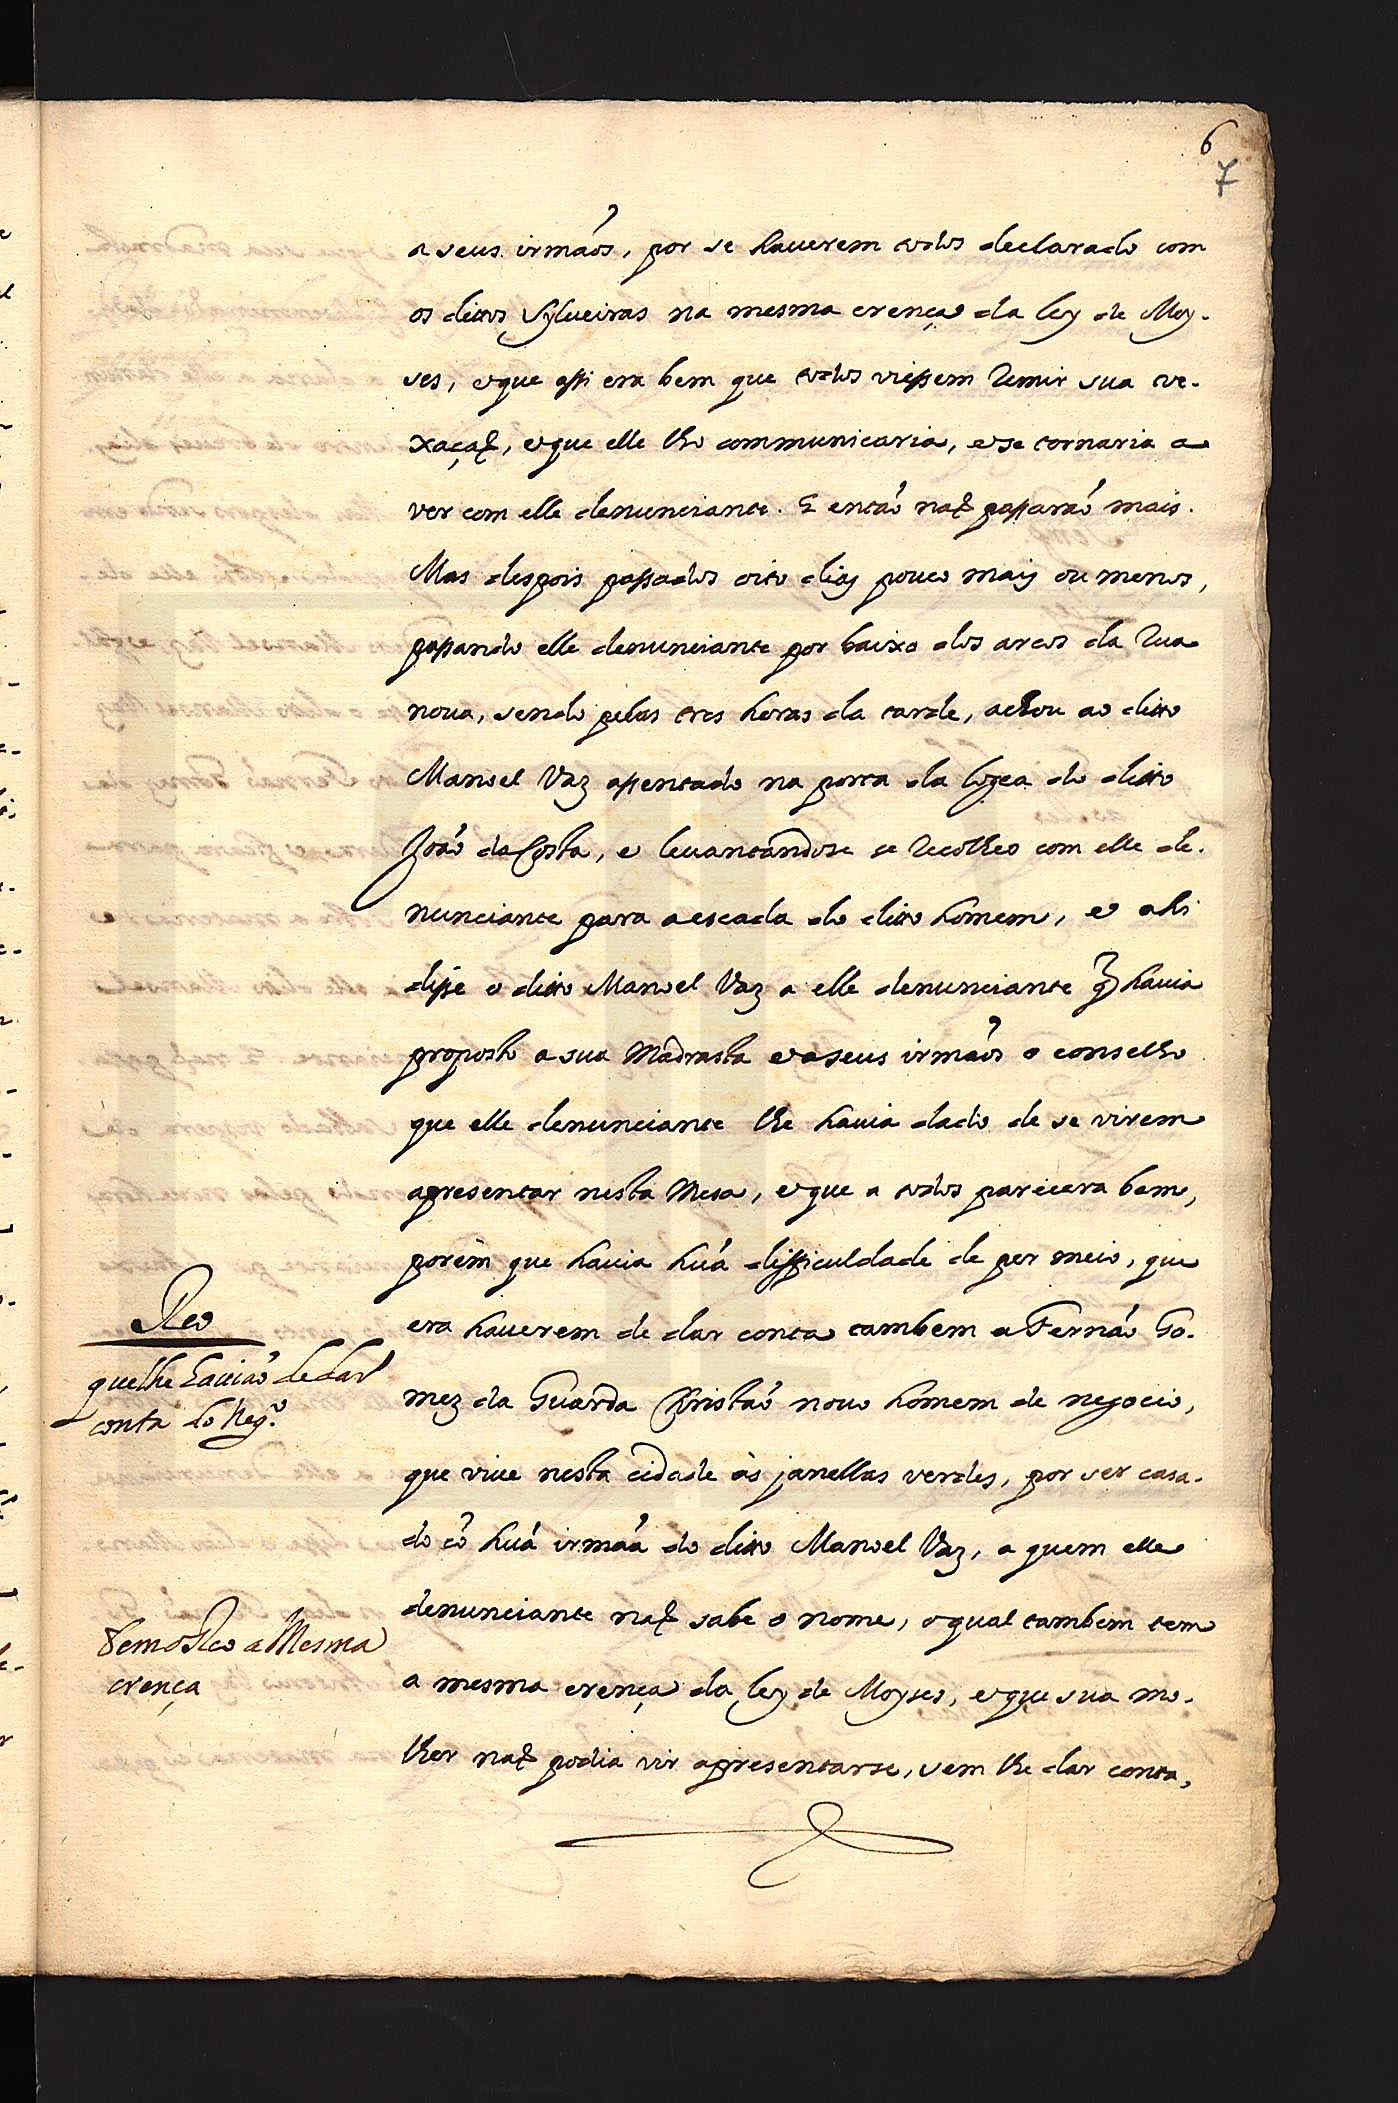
a seus irmaõs, por se hauerem todos declarado com
os dittos Sylueiras na mesma crença da ley de Moy
ses, e que assi era bem que todos viessem Remir sua ve
xaçaõ, e o que elle lho communicaria, e se tornaria a
ver com elle denunciante. E entaõ naõ passaraõ mais.
Mas despois passados oito dias pouco mais ou menos,
passando elle denunciante por baixo dos arcos da Rua
noua, sendo pelas tres horas da tarde, achou ao ditto
Manoel Vaz assentado na porta da logea do ditto
Joaõ da Costa, e leuantandose se Recolheo com elle de
nunciante para a escada do ditto homem, e ahi
disse o ditto Manoel Vaz a elle denunciante q̄ hauia
proposto a sua madrasta e a seus irmaõs o conselho
que elle denunciante lhe hauia dado de se virem
apresentar nesta mesa, e que a todos parecera bem,
porem que hauia huā difficuldade de permeio, que
era hauerem de dar conta tambem a Fernaõ Go
mez da Guarda Christaõ nouo homem de nogocio,
que viue nesta cidade às janellas verdes, por ser casa
do cō huā irmaã do ditto Manoel Vaz, a quem elle
denunciante naõ sabe o nome, o qual tambem tem
a mesma crença da ley de Moyses, e que sua mo
lher naõ podia vir apresentarse, sem lhe dar conta,
